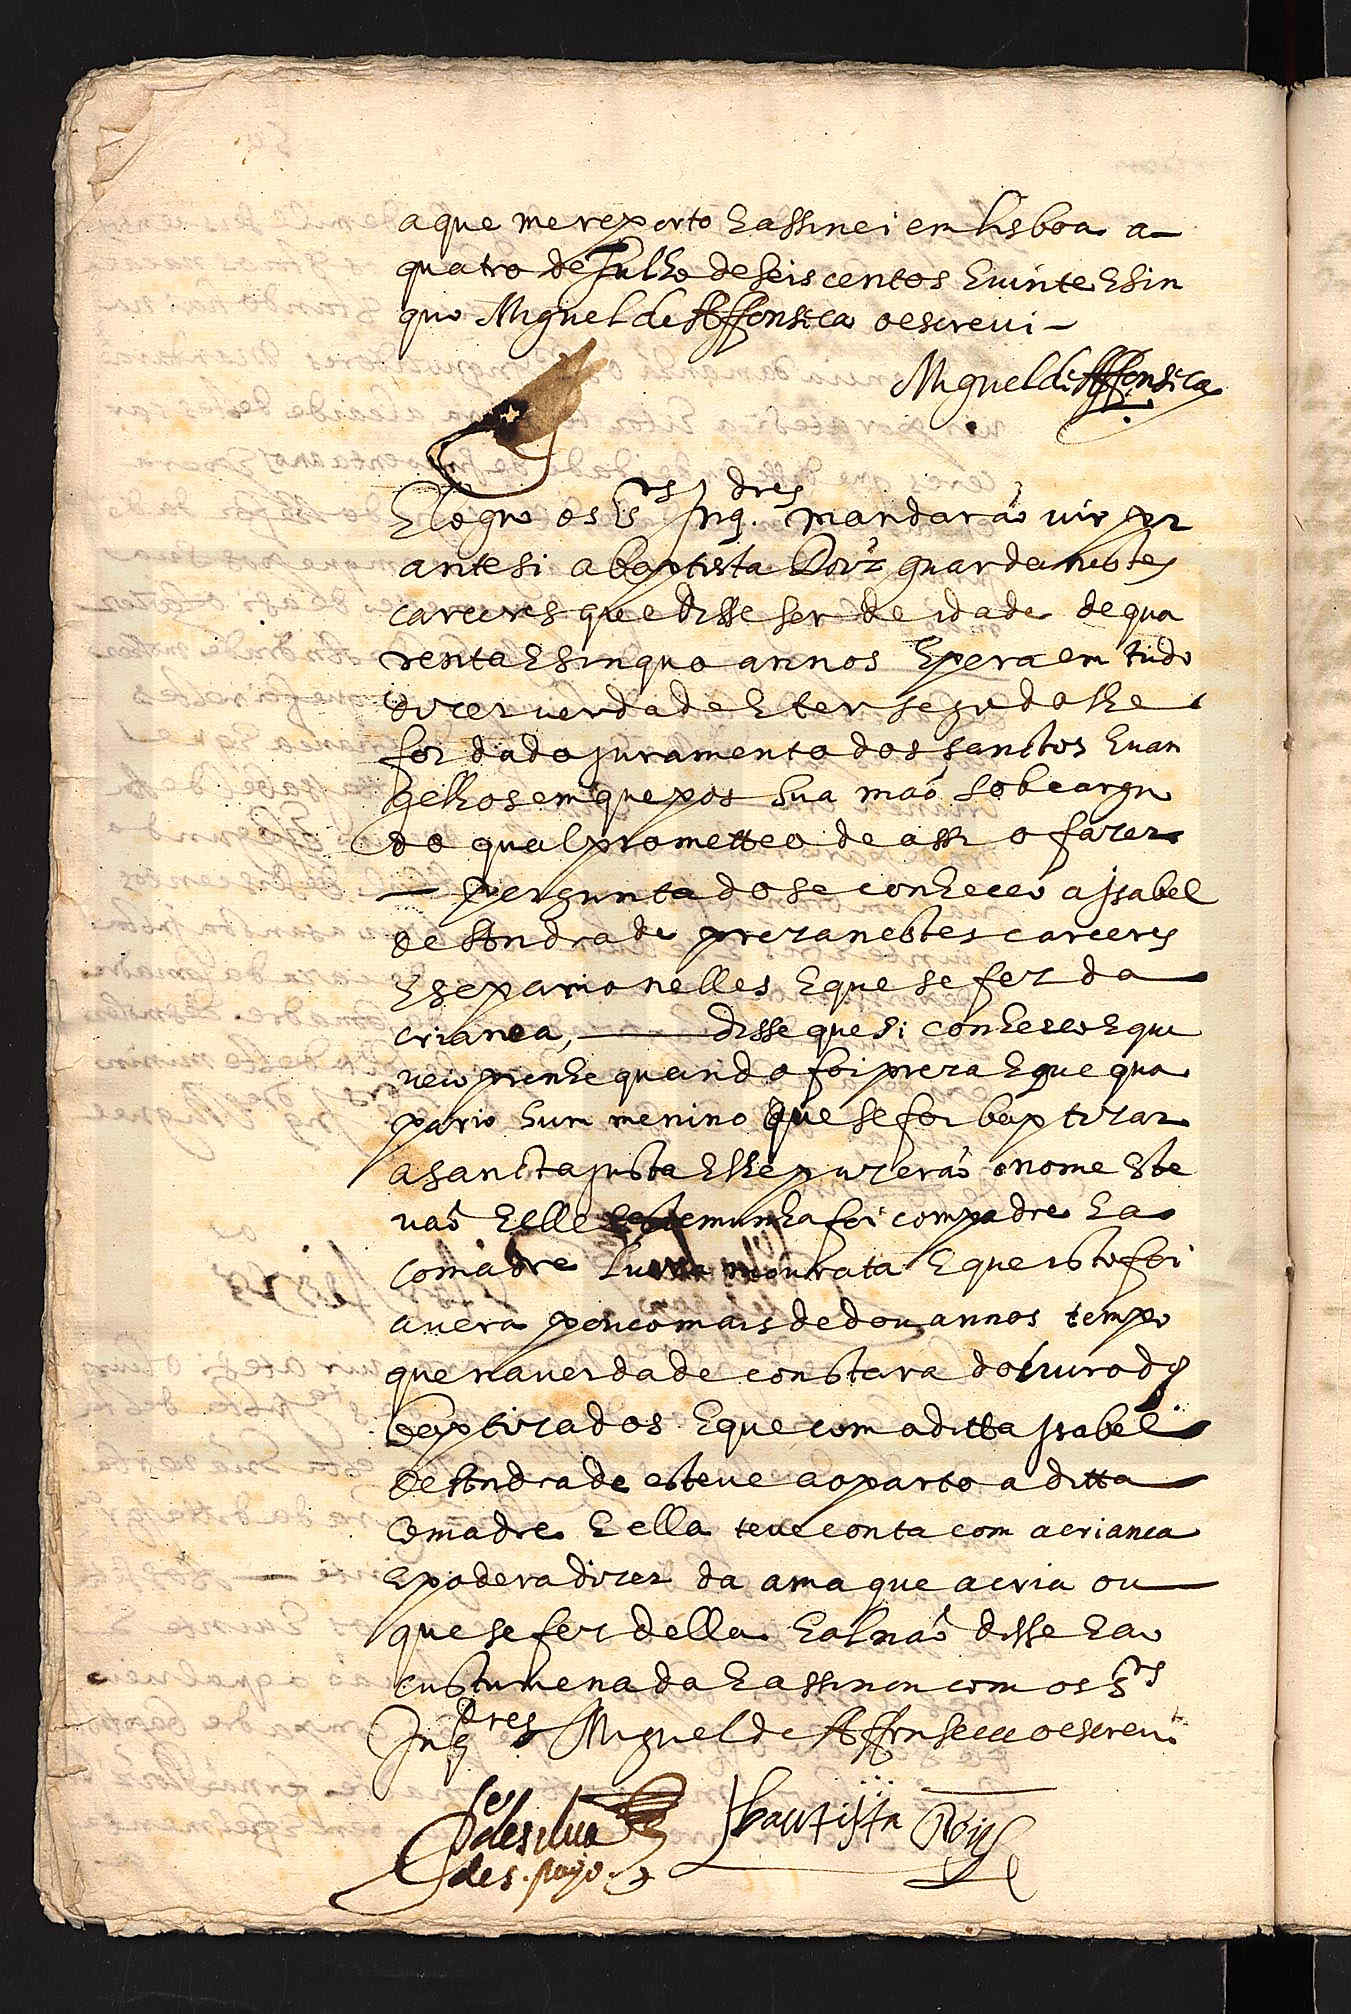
a que me reporto E assinei em lisboa a
quatro de Julho de seiscentos E uinte E sin
quo Miguel de Affonseca o escreui
E loguo os sres Jnqdres mandaraõ uir per
ante si a baptista Roiz̄ guarda nestes
carceres que disse ser de idade de qua
renta E sinquo annos E pera em tudo
dizer uerdade E ter segredo lhe
foi dado juramento dos sanctos Euan
gelhos em que pos sua maõ sob carguo
do qual prometteo de assi o fazer
perguntado se conheceo a Jsabel
de Andrade preza nestes carceres
E se pario nelles E que se fez da
crianca,
disse que si conheceo E que
ueio prenhe quando foi preza E que qua
pario hum menino que se foi baptizar
a sancta justa E lhe puzeraõ o nome ste
uaõ E elle testemunha foi compadre E a
Comadre Luiza mourata E que isto foi
auera pouco mais de dous annos tempo
que na uerdade constara do liuro dos
baptizados E que com a ditta jsabel
de Andrade esteue ao parto a ditta
comadre E ella teue conta com a crianca
E podera dizer da ama que a cria ou
que se fez della E al naõ disse E ao
custume nada E assinou com os sres
Jnqdres Miguel de Affonseca o escreui
